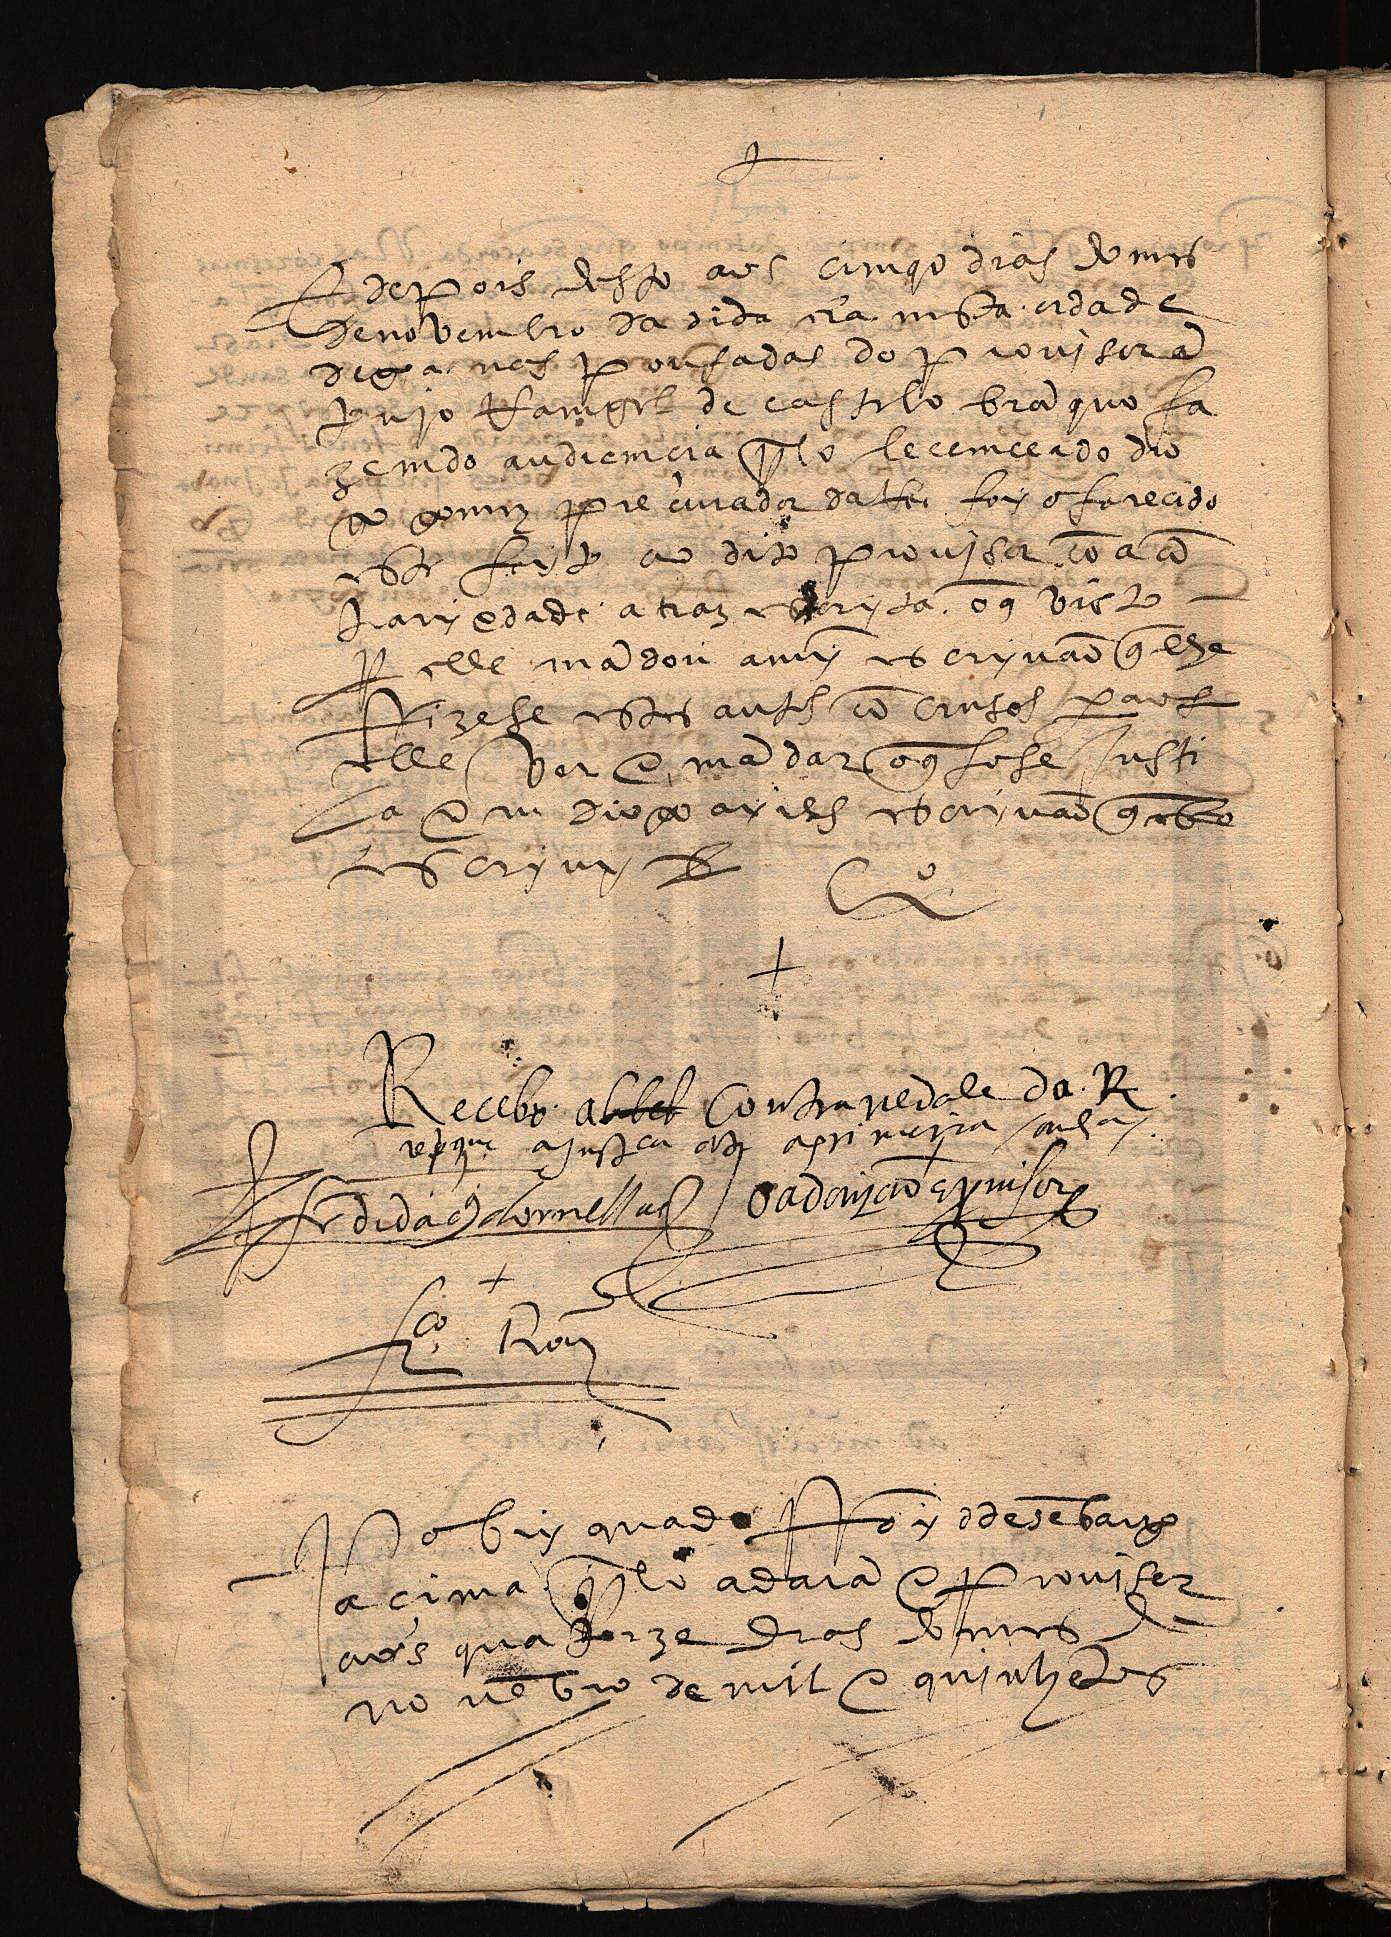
E depois desto aos çimqo dias do mes
de novembro da dita era nesta cidade
de goa nas pousadas do proujsor ā
tonjo Ramgel de castelo brāquo fa
zemdo audiençia p̄lo lecemceado dio
go gomez precurador da Ree foy oferecido
este feyto ao dito proujsor c̄o a c̄o
traryedade atraz escryta o q̄ visto
ꝑ elle mādou a mȳ escryuão q̄ lhe
ffizese estes autos c̄ocrusos ꝑa os
elle ver e mādar o q̄ fose Justi
Ça e eu diogo ayres escryuão q̄ esto
escryuy
Cro
Recebo a libel Contrariedade da R.
repique a Justca ate a primeira / auda /
Pobryquado ffoy o des̄ebargo
açima p̄lo adaiā e proujsor
aos quatorze dias do mes de
nouēbro de mil e qujnhētos
